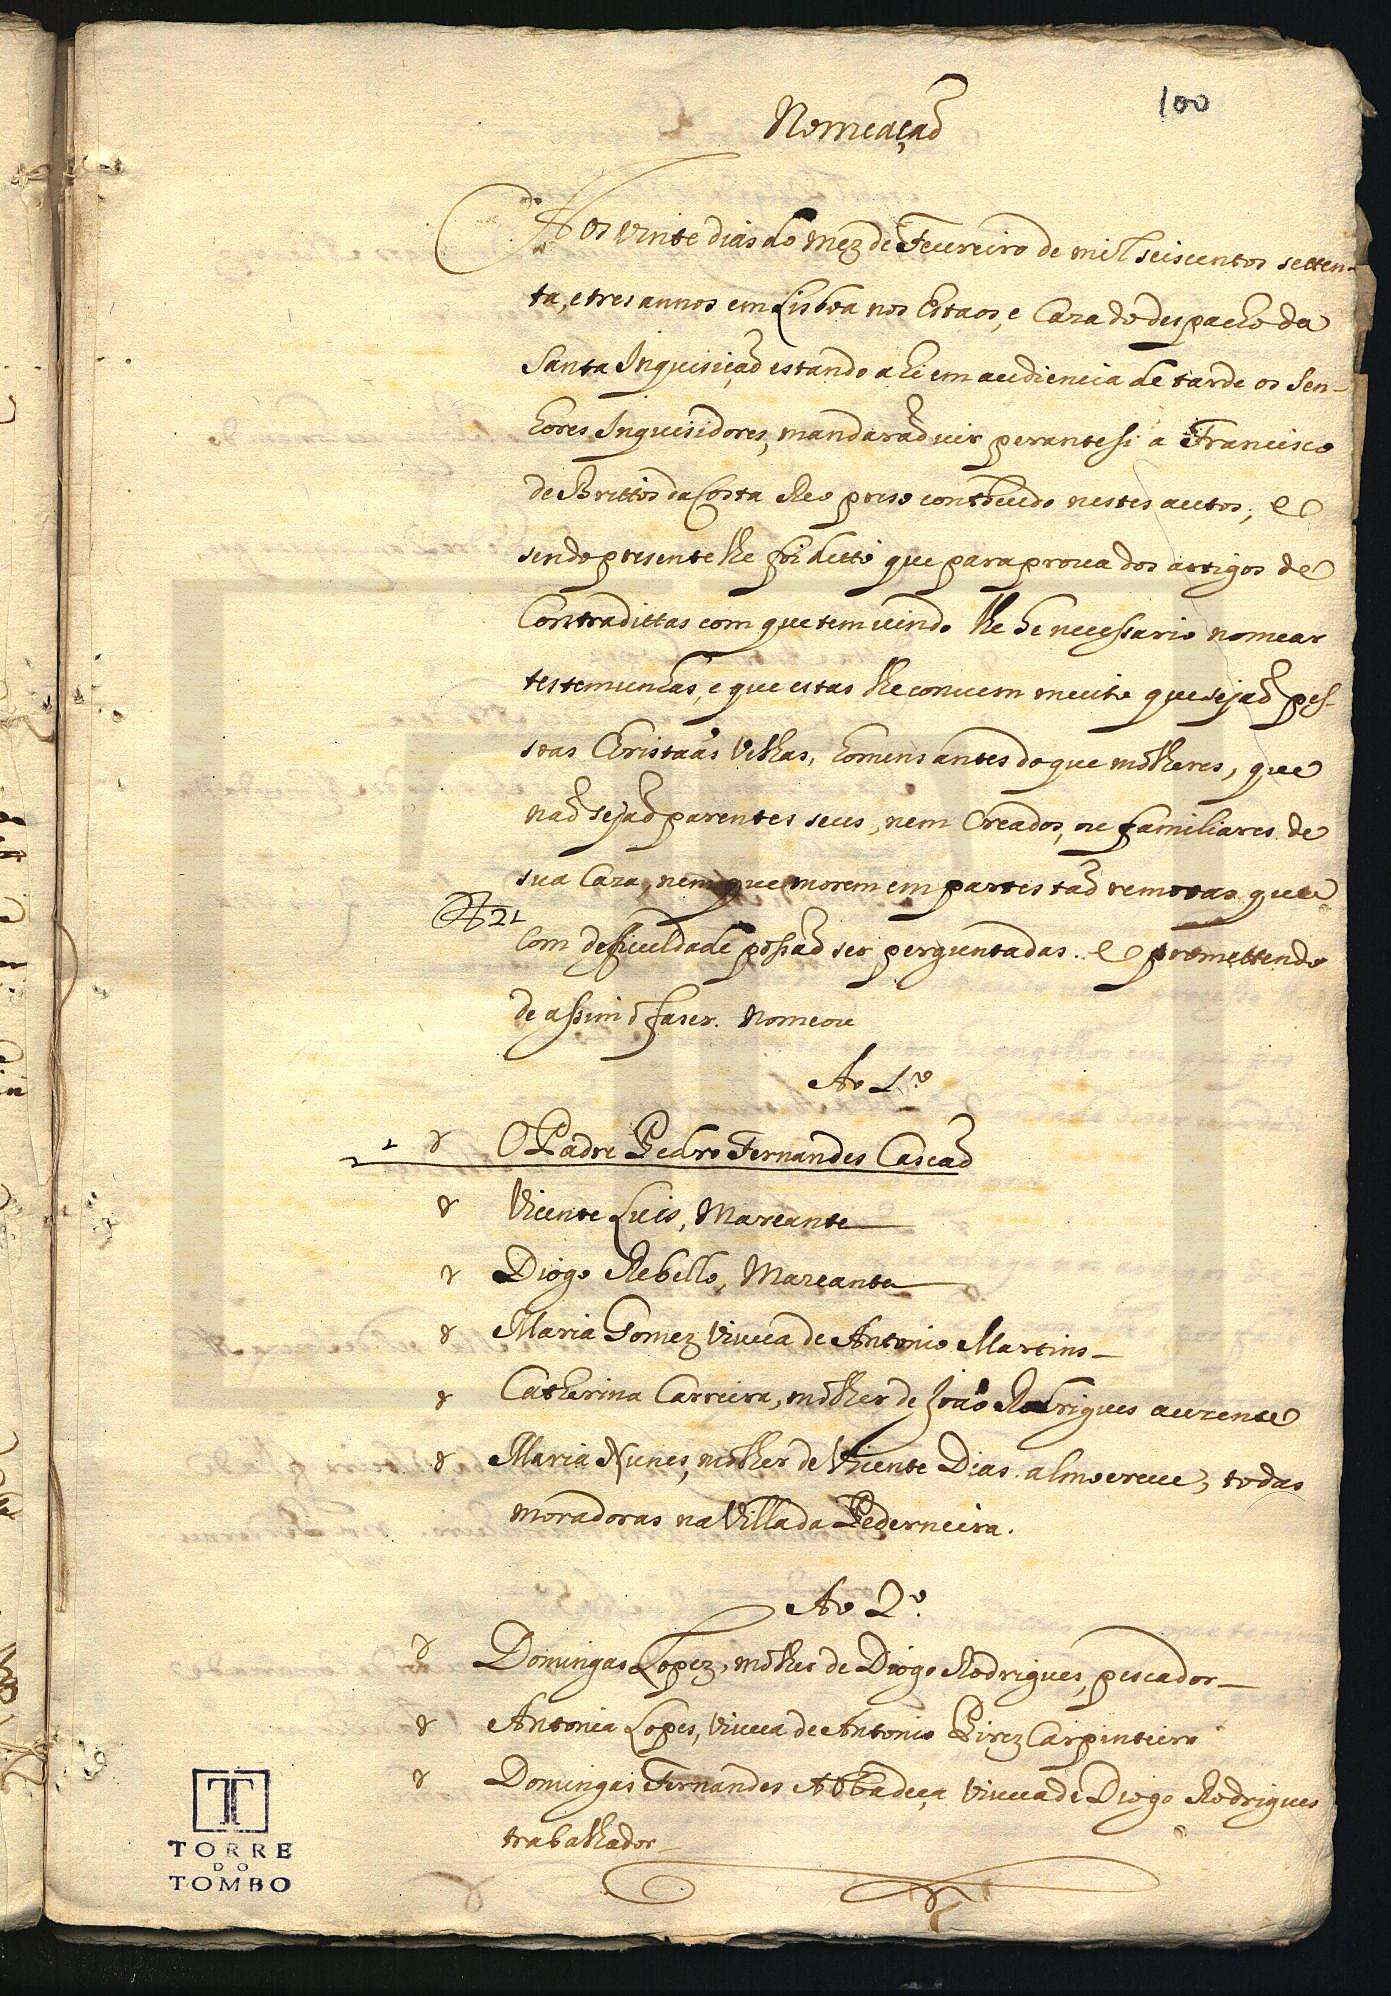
Nomeaçaõ
Aos vinte dias do mez de Feuereiro de mil seiscentos setten
ta, e tres annos em Lisboa nos Estaos, e Caza do despacho da
Santa Inquisição estando ahi em audiencia de tarde os sen
hores Inquisidores, mandaraõ uir perante si a Francisco
de Brittos da Costa Reo preso contheudo nestes autos, e
sendo presente lhe foi ditto que para proua dos artigos de
Contradittas com que tem uindo lhe he necessario nomear
testemunhas, e que estas lhe conuem muito que sejaõ pes
soas Christaās velhas, homens antes do que molheres, que
naõ sejaõ parentes seus, nem creados, ou familiares de
sua caza, nem que morem em partes taõ remotas que
21
com defficuldade possaõ ser perguntadas. e promettendo
de assim o fazer nomeou
Ao 1.o
item O Padre Pedro Fernandes Cascaõ
item Vicente Luis, mareante
item Diogo Rebello, mareante
item Maria Gomez viuua de Antonio Martins
item Catherina Carreira, molher de Joaõ Rodrigues auzente
item Maria Nunes, molher de Vicente Dias almocreue, todas
moradoras na Villa da Pederneira.
Ao 2o.
item Domingas Lopez, molher de Diogo Rodrigues, pescador
item Antonia Lopes, viuua de Antonio Pirez Carpinteiro
item Domingas Fernandes Abbadeça viuua de Diogo Rodrigues
trabalhador
